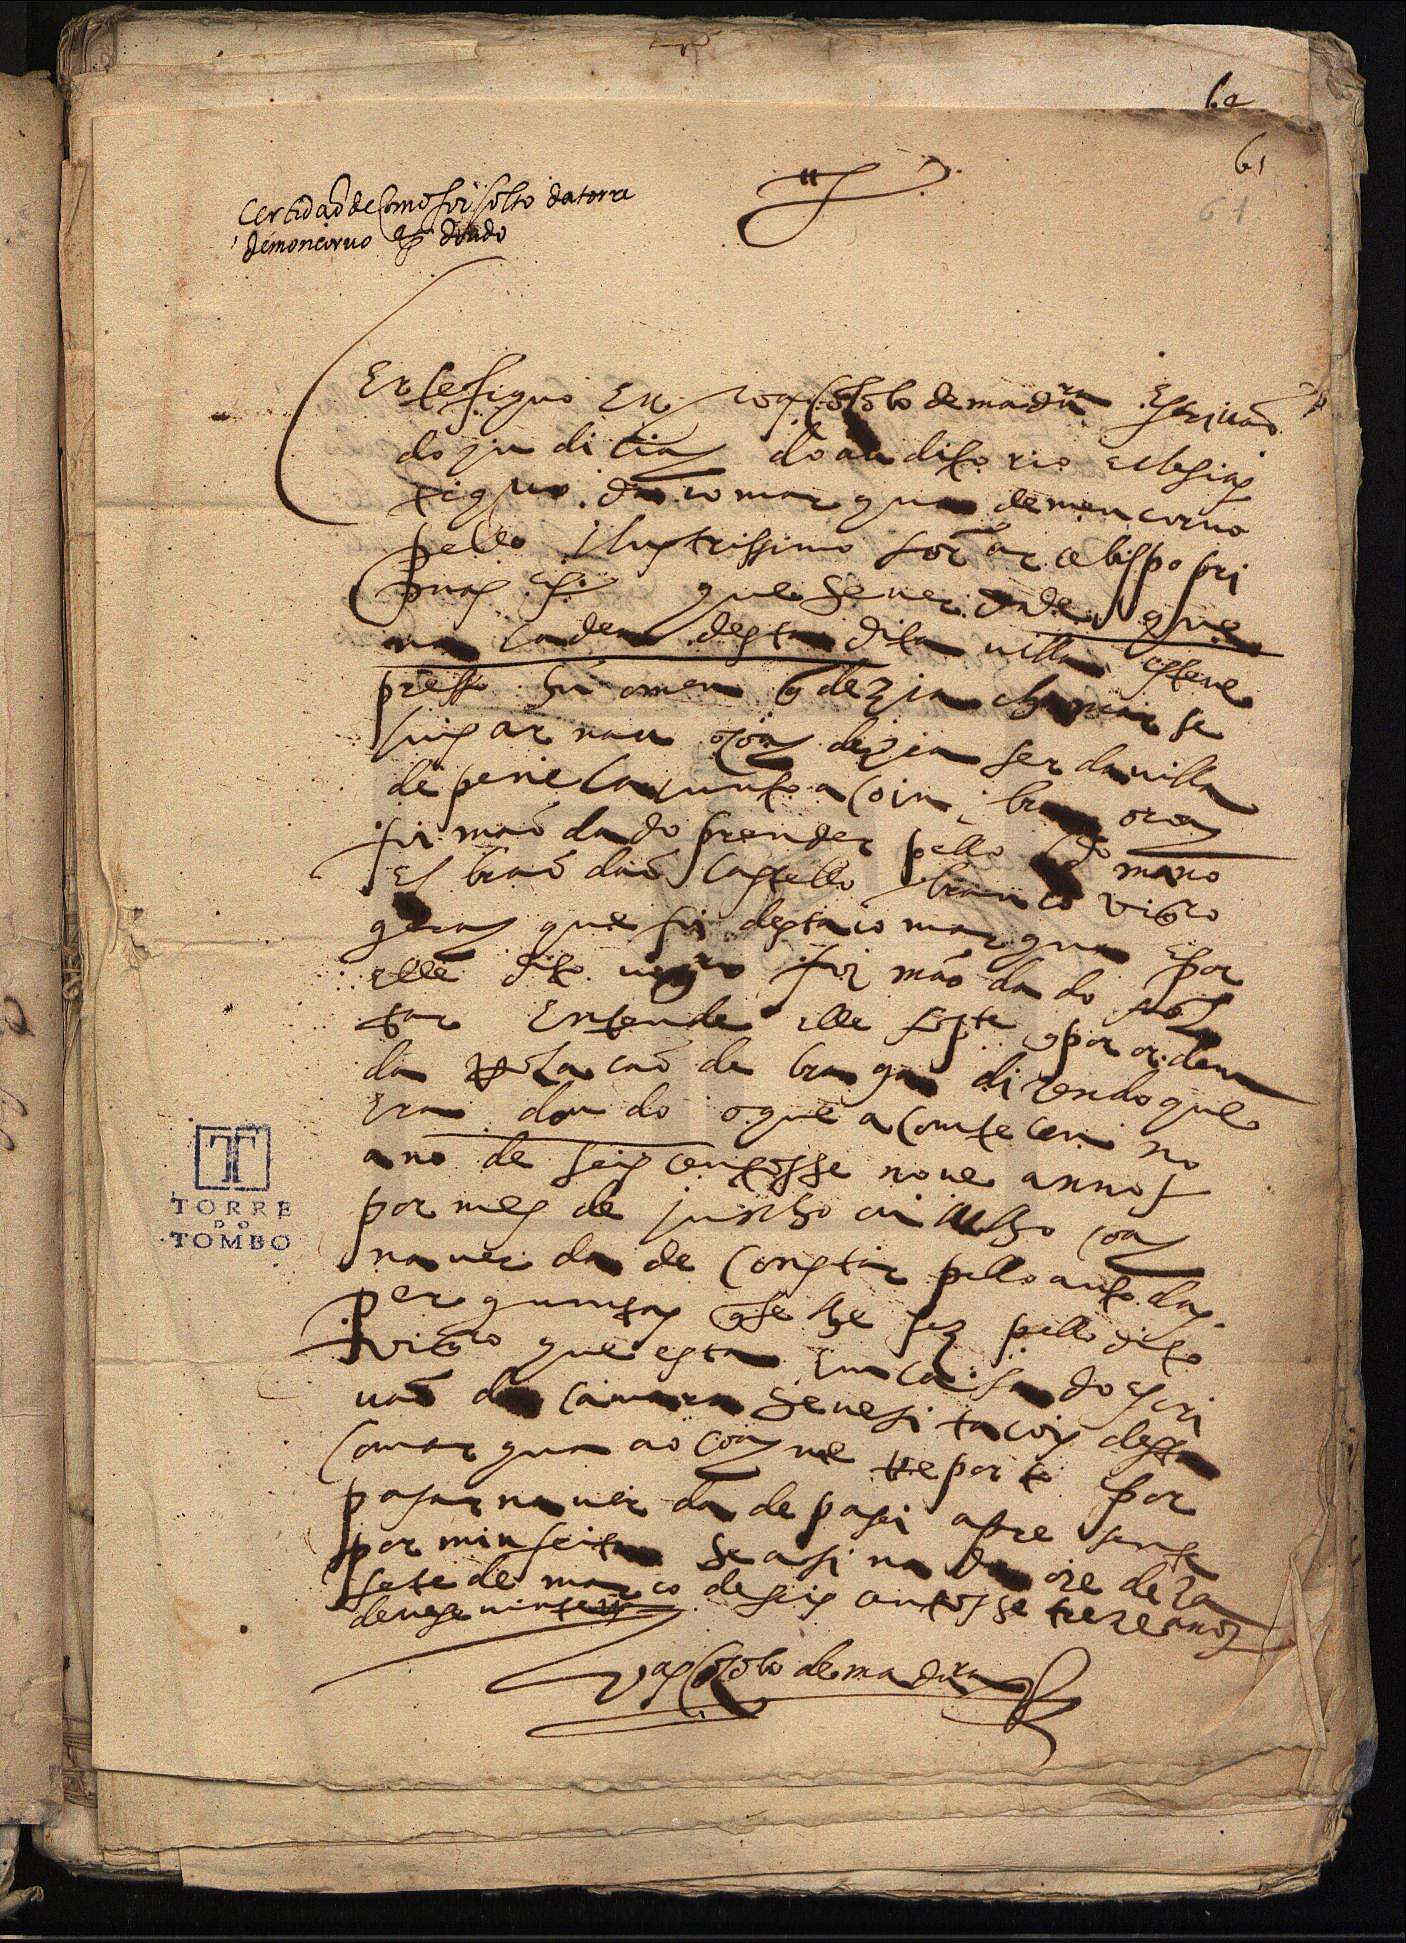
61
certidaõ de Como foi solto da torre
de moncoruo p̄ doudo
Certefiquo Eu Ioaõ Cozolo de madura Escriuaõ
do judicial do auditorio Eclesias
tiquo da comarqua de mencoruo
pello Ilustrissimo sor̄ arcebispo pri
mas cꝭ que he uerdade que
na cadea desta dita uilla esteue
presso hū omem q̄ dezia chamar se
luis arnau o Coal dezia ser da uilla
de penela iunto a Coimbra o coal
foi maõdado prender pello ldo mano
El braõdaõ castello branco vigro
geral que foi desta comarqua E por
Elle dito uigro foj mãodado soL
tar Entende elle sop.te q̄ por ordem
da Rolaçaõ de braga dizendo que
Era doudo o que aComteceu no
ano de seiscentos he noue annos
por mes de junho ou iulho coaL
na uerdade Constar pello auto das
Perguntas q̄ se lhe fez pello dito
vigro que esta Em casa do Escri
uaõ da camara he uesitaçois desta
Comarqua ao coal me Reporto e por
pasar na uerdade pasei a presente
por min feita he asinada oie deza
sete de março de seiscentos he treze anos
deuese uinte rs
Ioaõ Cozolo de madura
